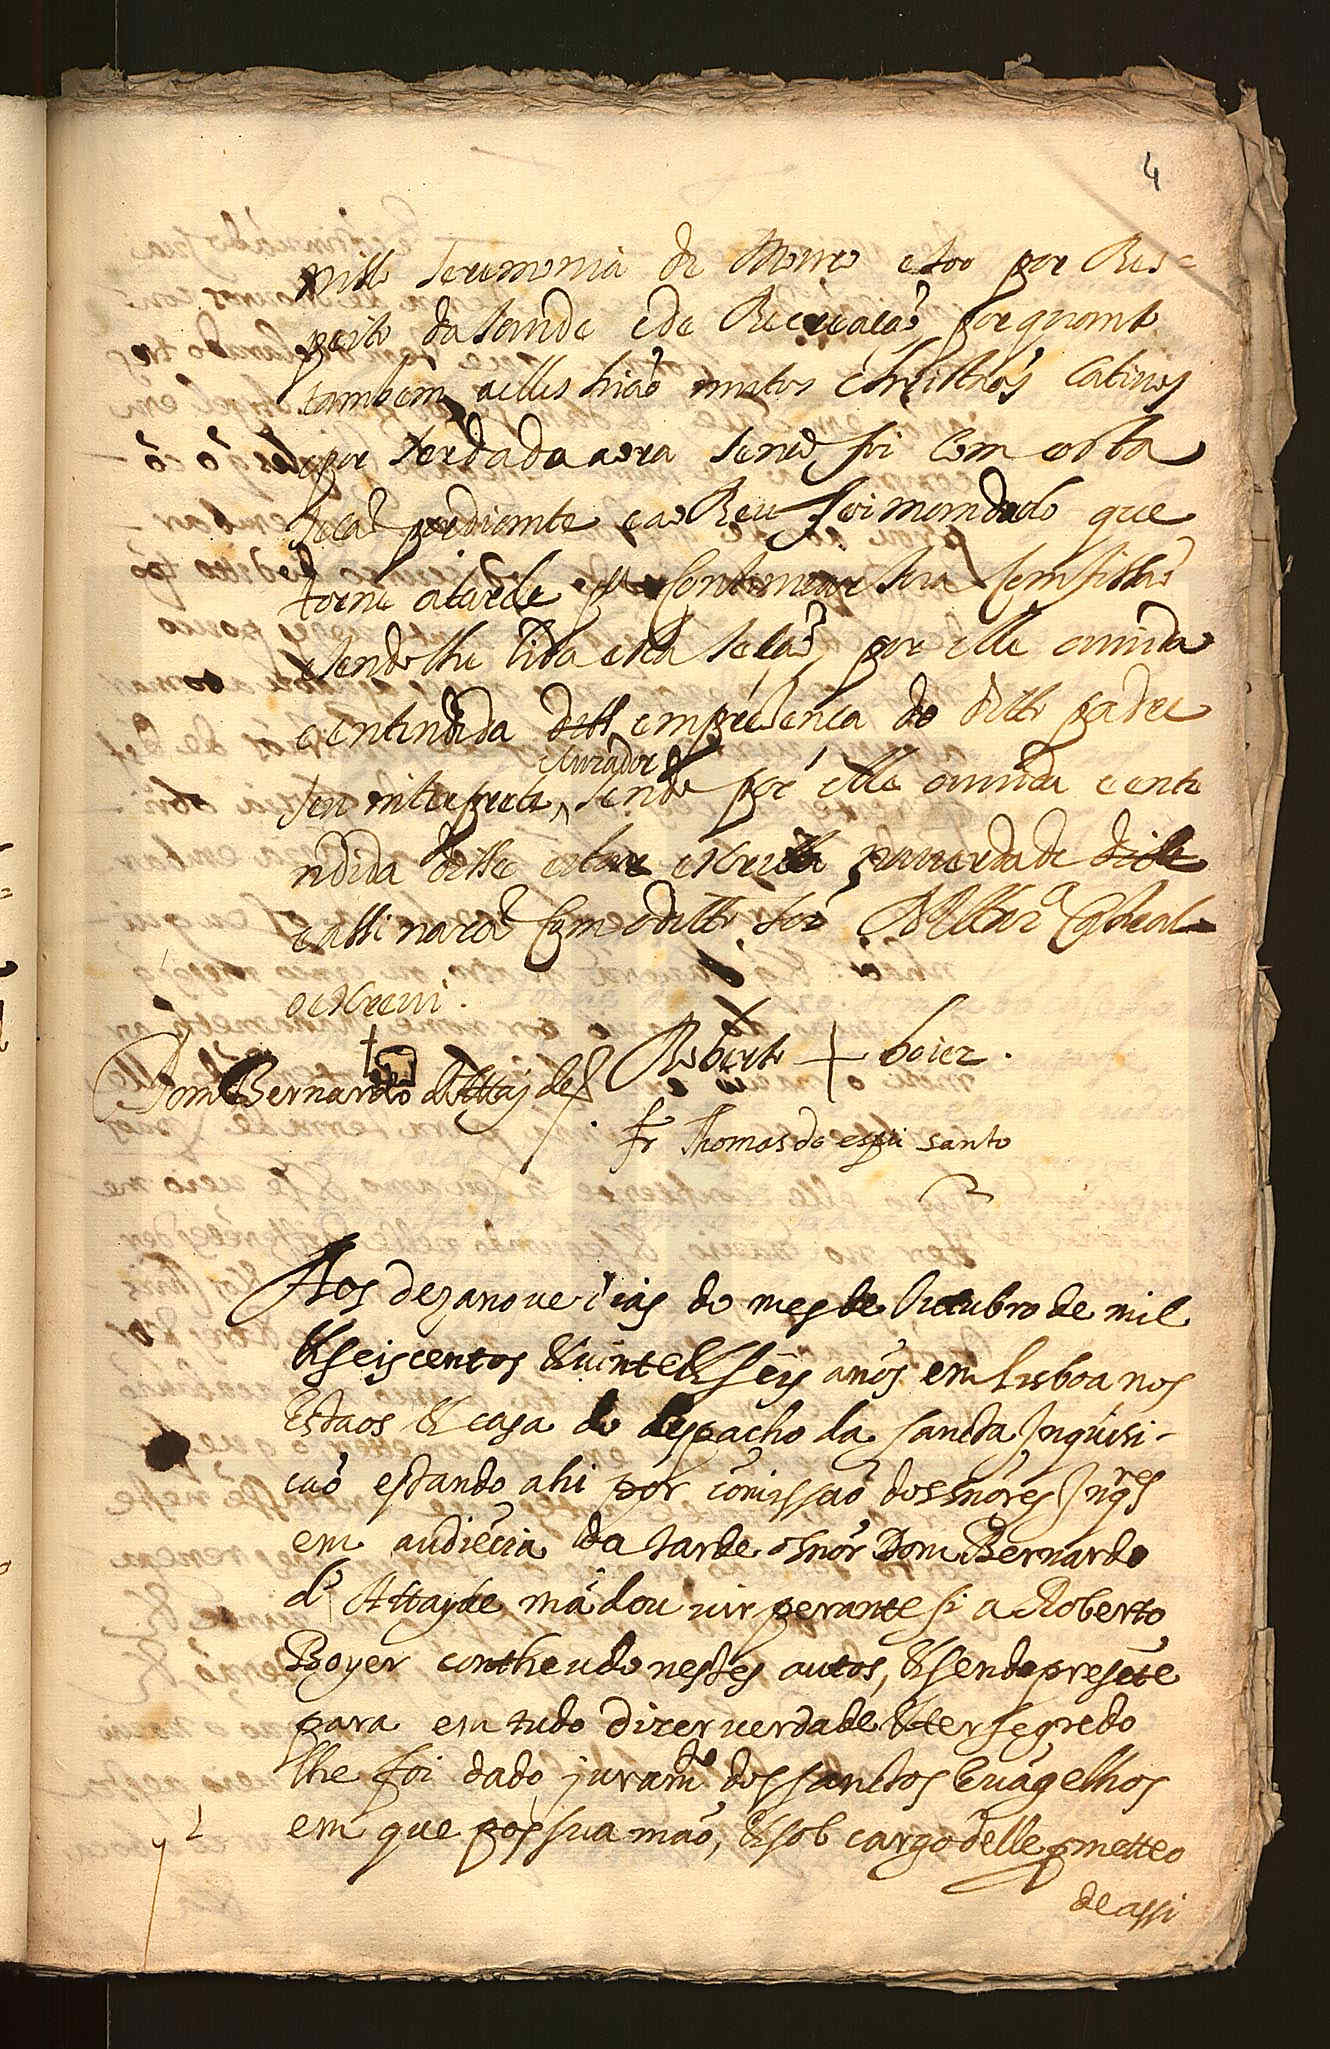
nisso seremonia de mouro e soo por Res
peito da saude e de Recreaçaõ porquanto
tambem a elles hiaõ mutos christaõs catiuos
e por ser dada a ora se naõ foi com esta
seçaõ por diante e ao Reu foi mandado que
torne a tarde pa Continuar sua Comfissaõ
e sendolhe lida esta seçaõ, por elle ouuida
e entendida diss em presença do ditto padre
e curador
seu interprete sendo por elle ouuida e ente
ndida disse estar escritta na uerdade disse
e assinaraõ Com o ditto sor̄ Bar txra Cabral
o escreui.
Roberto
boier
Dom Bernardo dAttajde
Fr thomas do espu santo
Aos dezanoue dias do mes de Outubro de mil
& seiscentos & uinte & seis anōs em Lisboa nos
Estaos & casa do despacho da Sancta Jnquisi
çaõ estando ahi por cōmissaõ dos snor̄es Jnqres
em audiēcia da tarde o snor̄ Dom Bernardo
d'Attayde mādou uir perante si a Roberto
Boyer contheudo nestes autos, & sendo presēte
para em tudo dizer uerdade & ter segredo
lhe foi dado juramto dos sanctos Euāgelhos
em que pos sua maõ, & sob cargo delle ꝓmetteo
de assi
